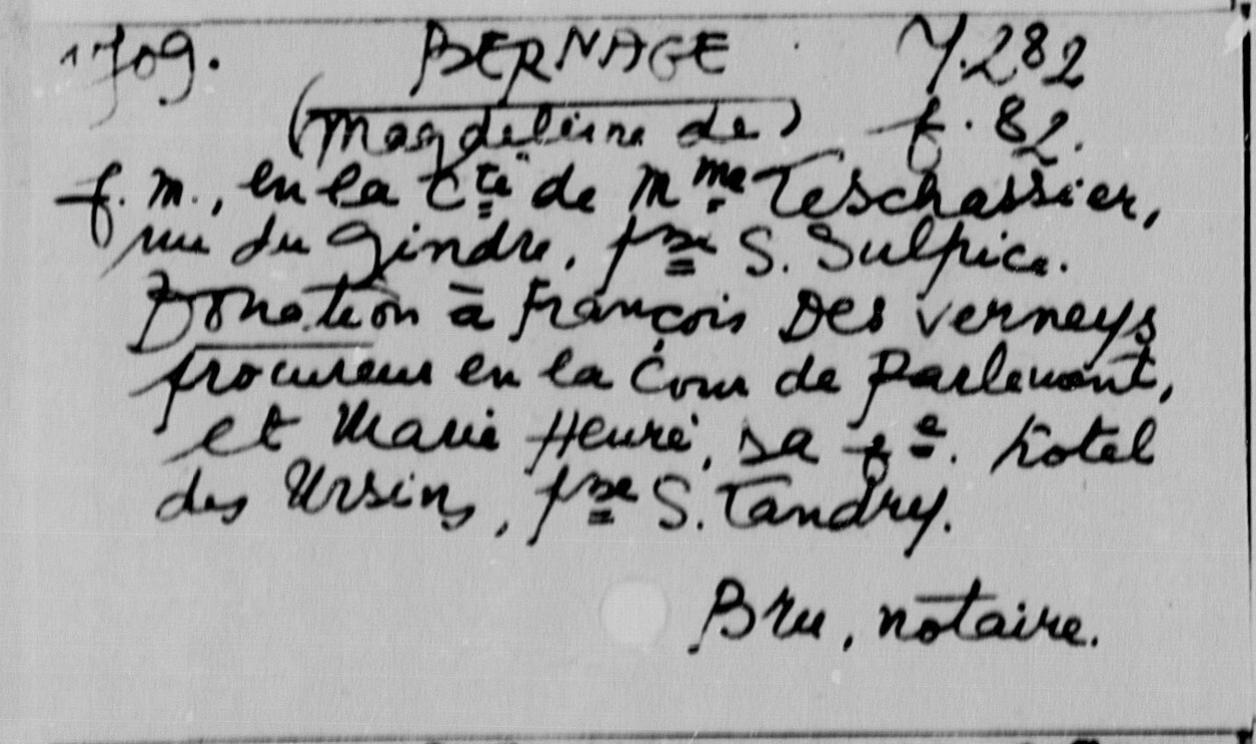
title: BERNAGE (Magdeleine de)
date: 1709
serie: Y
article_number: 282
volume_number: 82
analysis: Fille majeure, en la communauté de Madame Teschassier, rue du Gindre, paroisse Saint-Sulpice. Donation à François Des Verneys, procureur en la cour de Parlement, et Marie Heuré, sa femme hôtel des Ursins, paroisse Saint-Landry. Bru, notaire.
